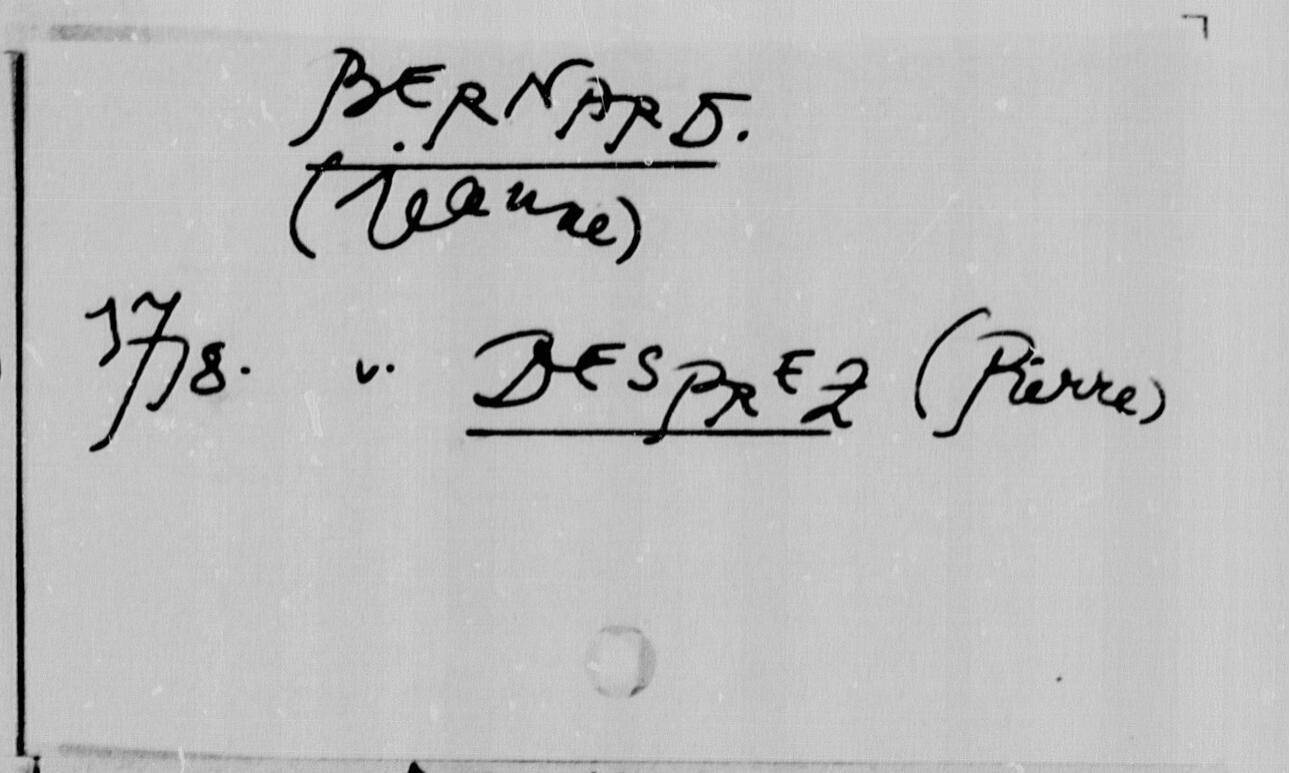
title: BERNARD (Jeanne)
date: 1708
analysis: Voir Desprez (Pierre)
